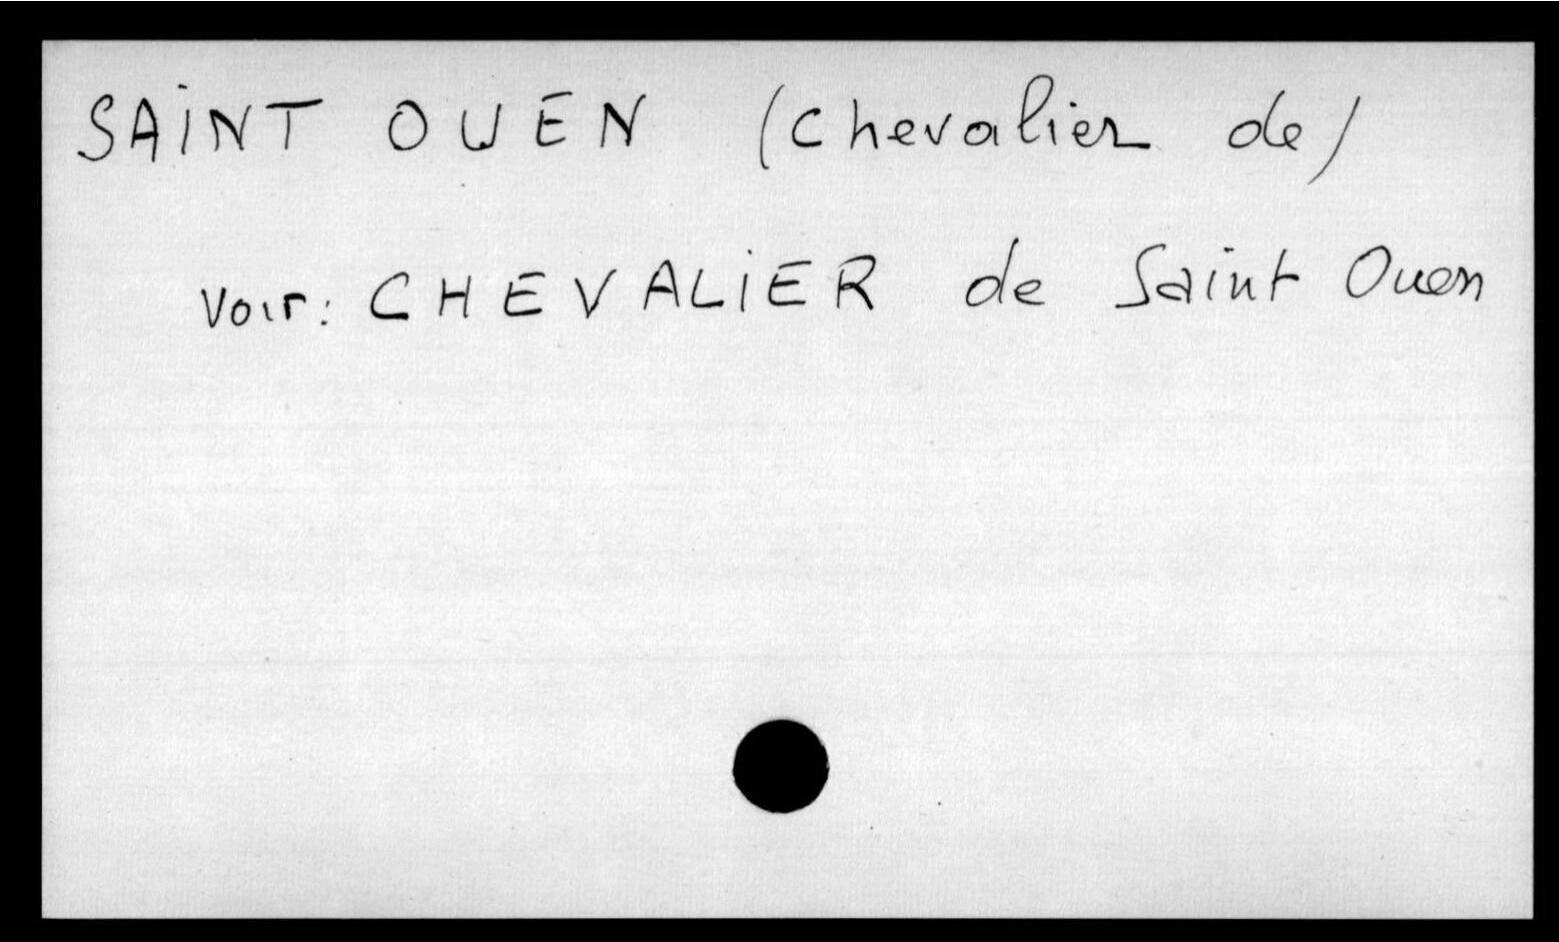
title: SAINT OUEN (Chevalier de)
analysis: Voir : CHEVALIER de Saint Ouen
